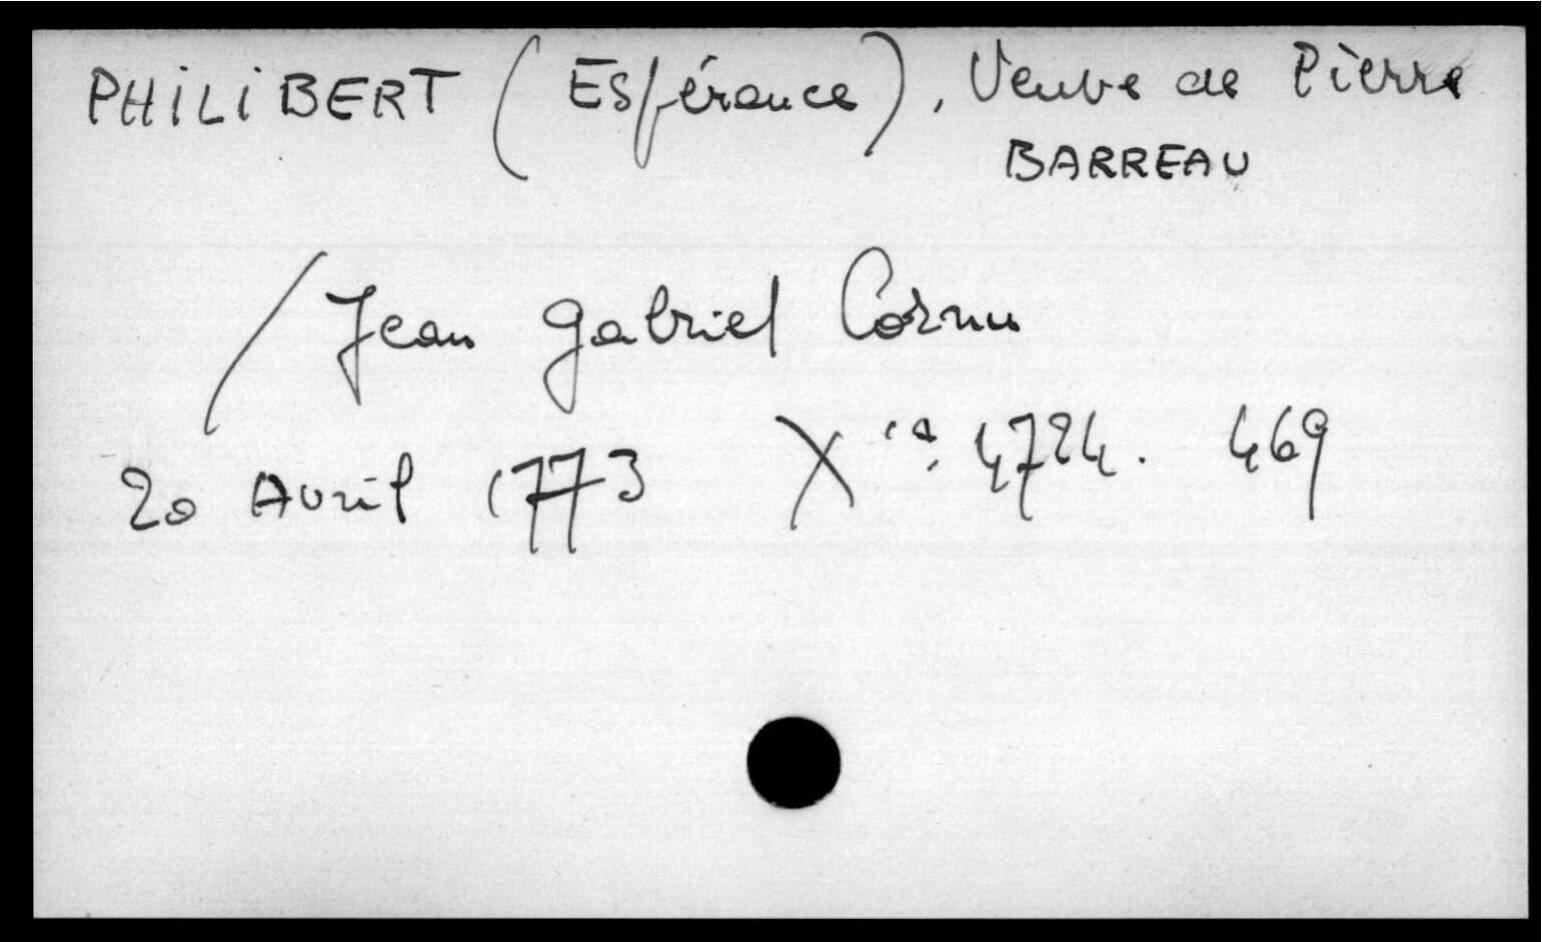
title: PHILIBERT (Espérance), Veuve de Pierre BARREAU
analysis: Contre Jean Gabriel Cornu
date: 20 avril 1773
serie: X1a
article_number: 4724
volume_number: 469
